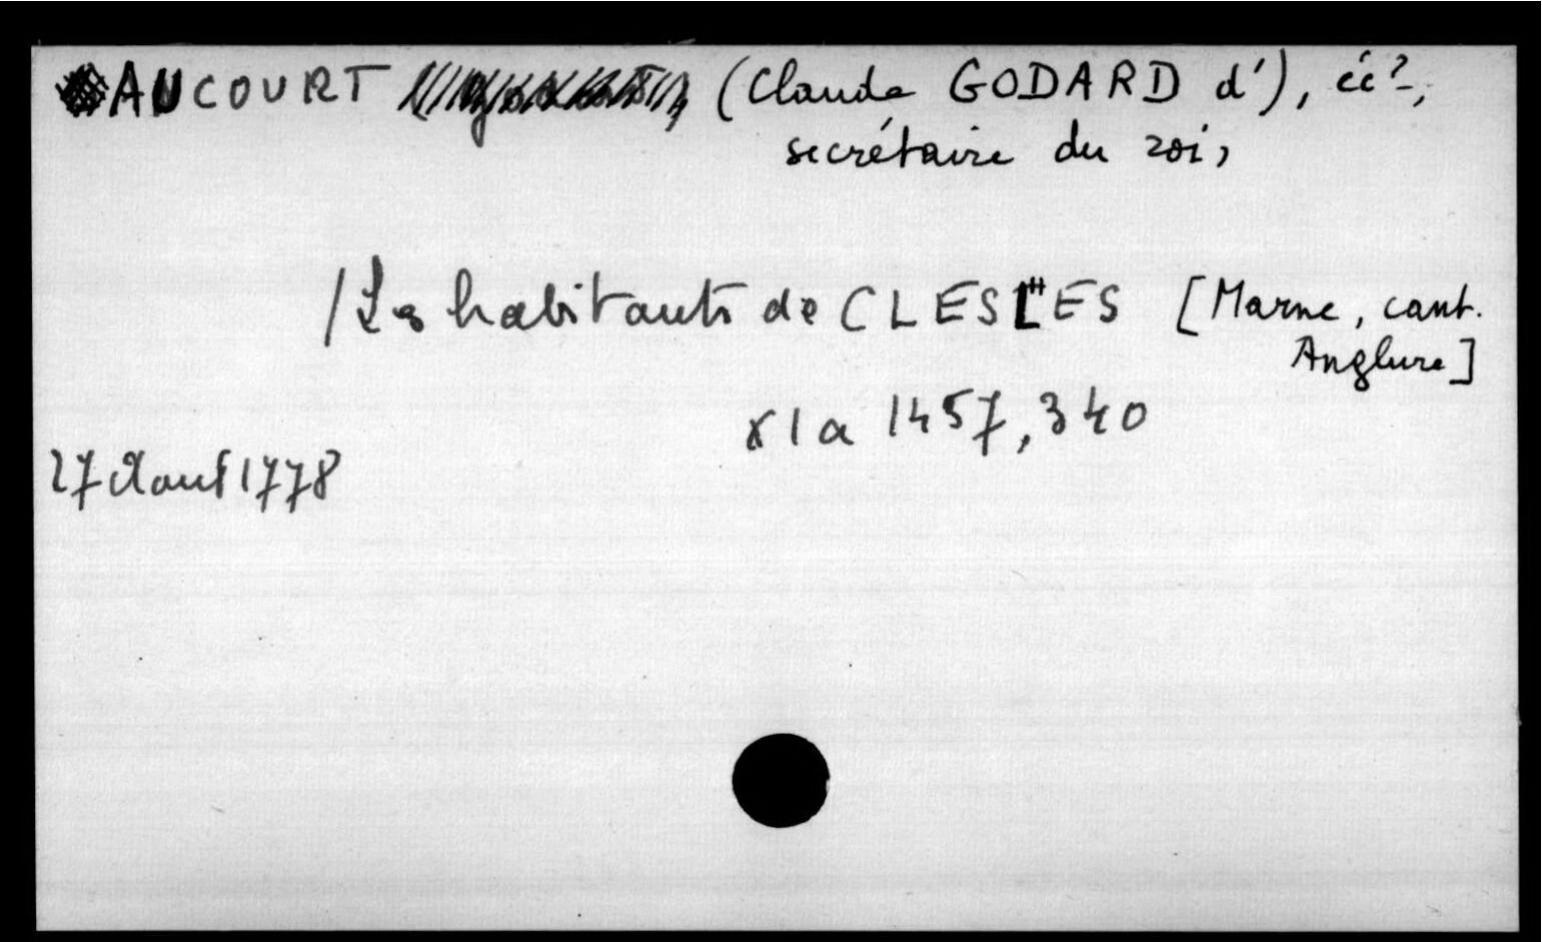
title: AUCOURT (Claude GODARD d'), écuyer, secrétaire du roi)
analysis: Contre les habitants de CLESLES [Marne, canton Anglure]
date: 27 août 1778
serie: X1a
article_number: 1457
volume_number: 340
